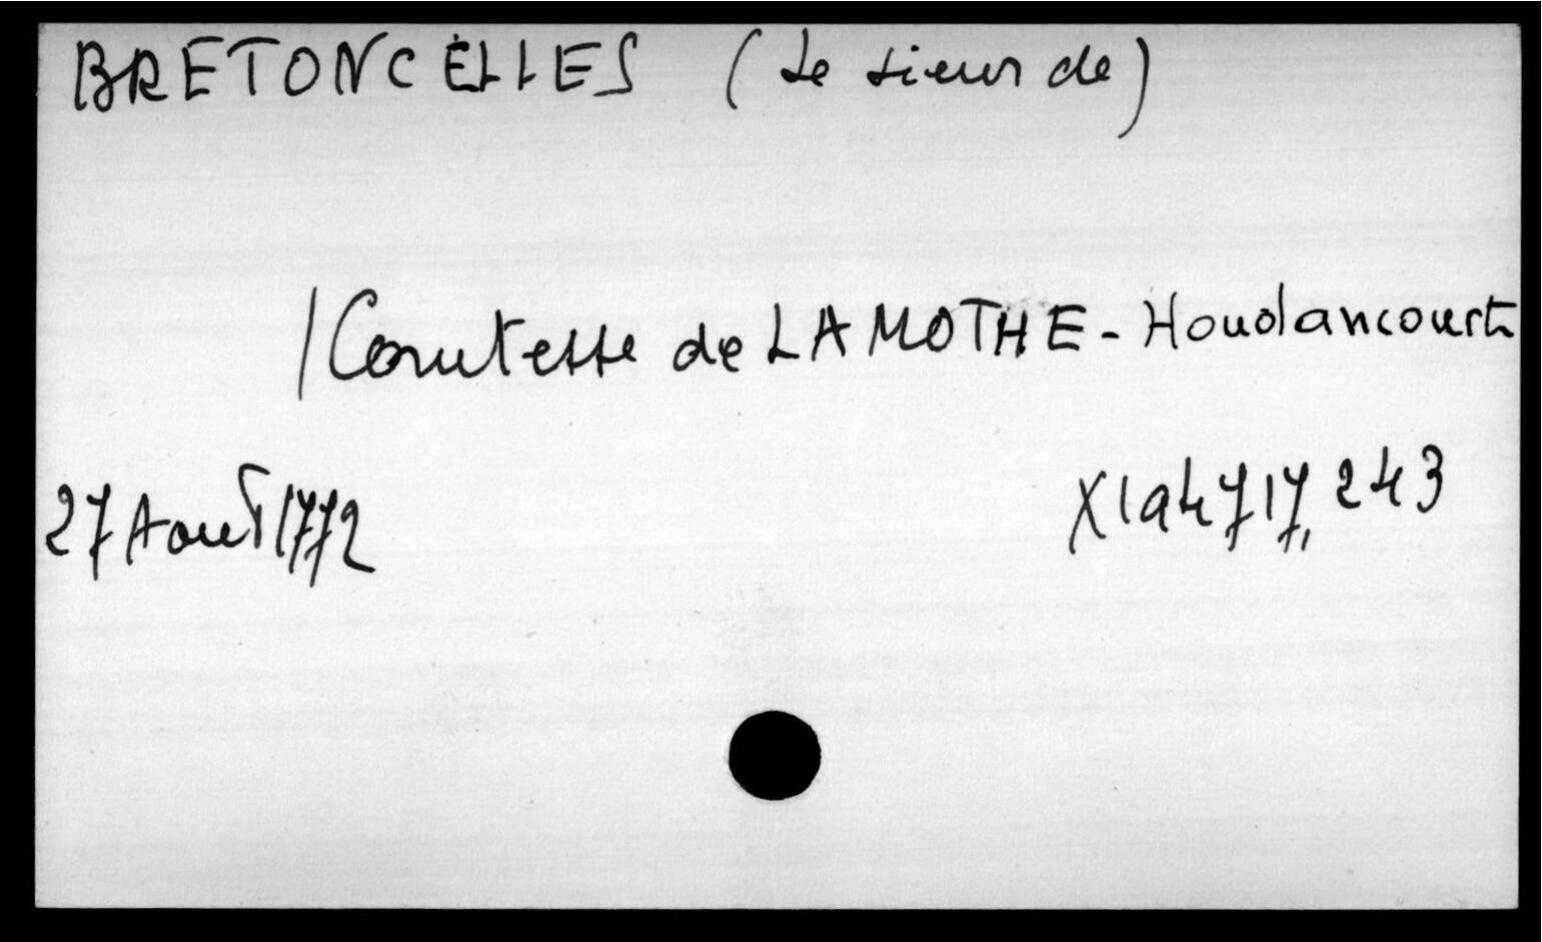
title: BRETONCELLES (le sieur de)
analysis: Contre Comtesse de LAMOTHE-Houdancourt
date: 27 août 1772
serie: X1a
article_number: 4717
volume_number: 243
